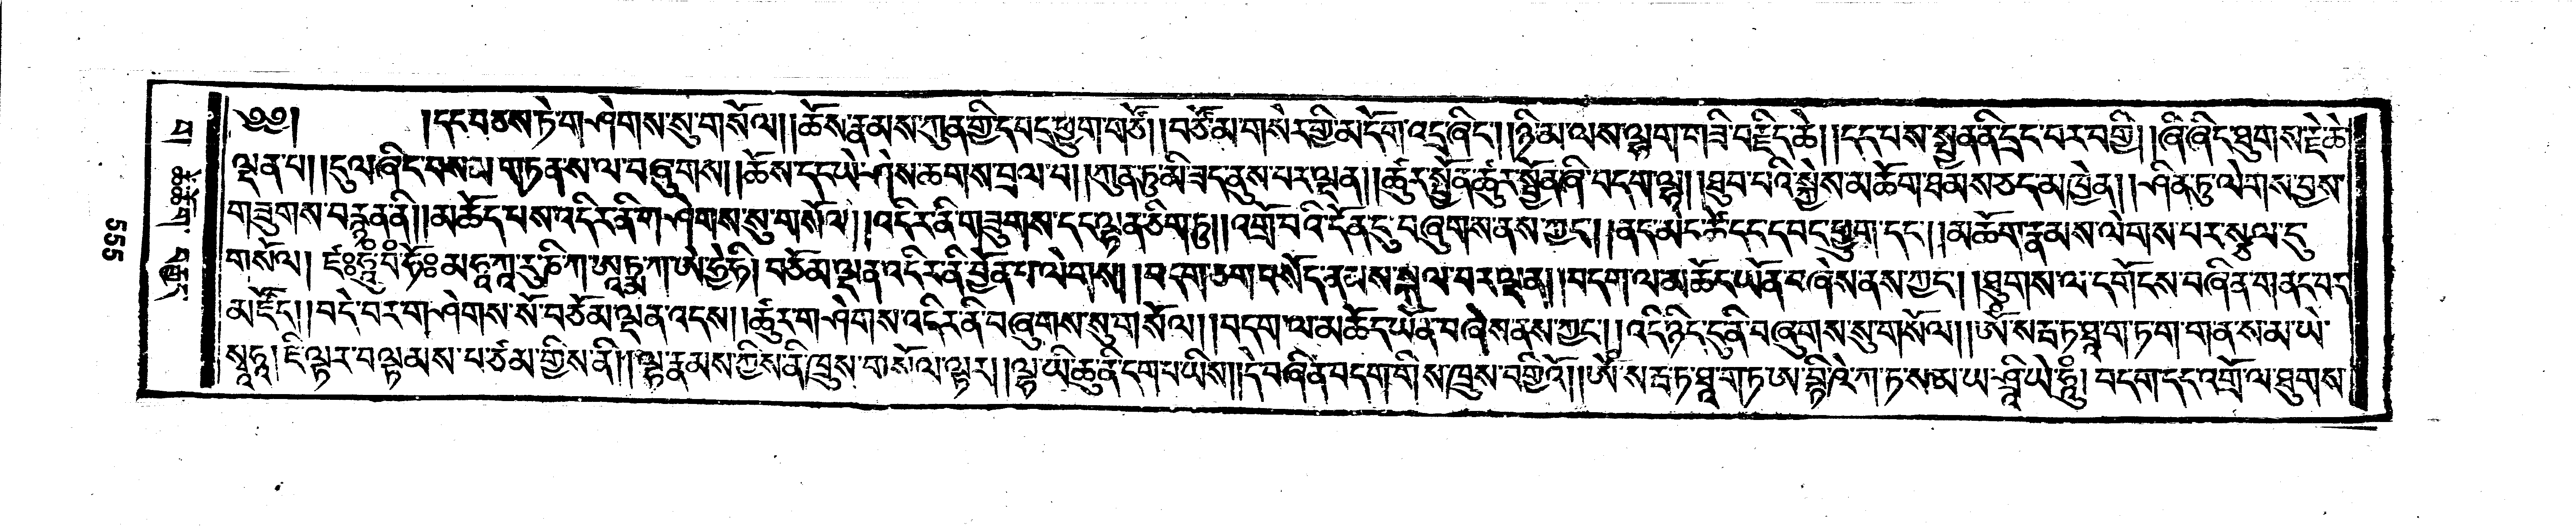༄༅། །དང་བཅས་ཏེ་གཤེགས་སུ་གསོལ། །ཆོས་རྣམས་ཀུན་གྱི་དབང་ཕྱུག་གཙོ། །བཙོ་མ་གསེར་གྱི་མདོག་འདྲ་ཞིང་། །ཉི་མ་ལས་ལྷག་གཟི་བརྗིད་ཆེ། །དད་པས་སྤྱན་ནི་དྲང་བར་བགྱི། །ཞི་ཞིང་ཐུགས་རྗེ་ཆེ་
ལྡན་པ། །དུལ་ཞིང་བསམ་གཏན་ས་ལ་བཞུགས། །ཆོས་དང་ཡེ་ཤེས་ཆགས་བྲལ་བ། །ཀུན་ཏུ་མི་ཟད་ནུས་པར་ལྡན། །ཚུར་སྤྱོན་ཚུར་སྤྱོན་ཞི་བདག་ལྷ། །ཐུབ་པའི་སྐྱེས་མཆོག་ཐམས་ཅད་མཁྱེན། །ཤིན་ཏུ་ལེགས་བྱས་
གཟུགས་བརྙན་ནི། །མཆོད་པས་འདིར་ནི་གཤེགས་སུ་གསོལ། །འདིར་ནི་གཟུགས་དང་ལྷན་ཅིག་ཏུ། །འགྲོ་བའི་དོན་དུ་བཞུགས་ནས་ཀྱང་། །ནད་མེད་ཚེ་དང་དབང་ཕྱུག་དང་། །མཆོག་རྣམས་ལེགས་པར་སྩལ་དུ་
གསོལ། ཛཿ ཧཱུཾ་བཾ་ཧོཿ མཧཱ་ཀཱ་རུ་ཎི་ཀ་ཨཱཏྨ་ཀ་ཨེ་ཧྱེ་ཧི། བཅོམ་ལྡན་འདིར་ནི་བྱོན་པ་ལེགས། །བདག་ཅག་བསོད་ནམས་སྐལ་བར་ལྡན། །བདག་ལ་མཆོད་ཡོན་བཞེས་ནས་ཀྱང་། །ཐུགས་ལ་དགོངས་བཞིན་གནང་བར་
མཛོད། །བདེ་བར་གཤེགས་སོ་བཅོམ་ལྡན་འདས། །ཚུར་གཤེགས་འདིར་ནི་བཞུགས་སུ་གསོལ། །བདག་ལ་མཆོད་ཡོན་བཞེས་ནས་ཀྱང་། །འདི་ཉིད་དུ་ནི་བཞུགས་སུ་གསོལ། །ཨོཾ་སརྦ་ཏ་ཐཱ་ག་ཏ་ག་ག་ན་ས་མ་ཡེ་
སྭཱཧཱ། ཇི་ལྟར་བལྟམས་པ་ཙམ་གྱིས་ནི། །ལྷ་རྣམས་ཀྱིས་ནི་ཁྲུས་གསོལ་ལྟར། །ལྷ་ཡི་ཆུ་ནི་དག་པ་ཡིས། །དེ་བཞིན་བདག་གིས་ཁྲུས་བགྱིའོ། །ཨོཾ་སརྦ་ཏ་ཐཱ་ག་ཏ་ཨ་བྷི་ཥེ་ཀ་ཏ་ས་མ་ཡ་ཤྲཱི་ཡེ་ཧཱུཾ། བདག་དང་འགྲོ་ལ་ཐུགས་